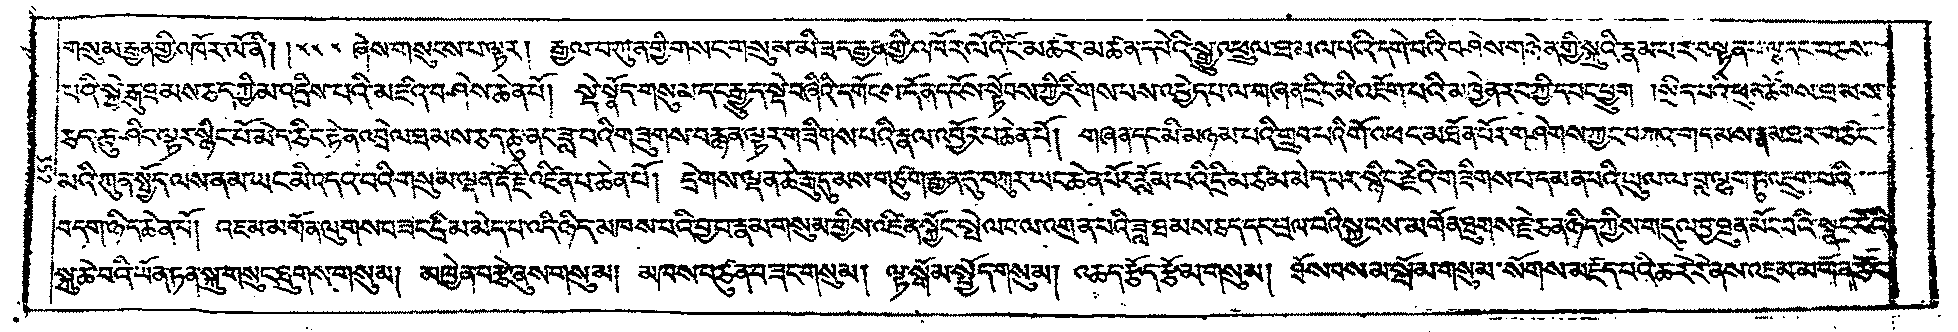གསུམ་རྒྱན་གྱི་འཁོར་ལོ་ནི། །྾་྾་྾་ཞེས་གསུངས་པ་ལྟར། རྒྱལ་བ་ཀུན་གྱི་གསང་གསུམ་མི་ཟད་རྒྱན་གྱི་འཁོར་ལོའི་ངོ་མཚར་མཚན་དཔེའི་སྒྱུ་འཕྲུལ་ཐ་མལ་པའི་དགེ་བའི་བཤེས་གཉེན་གྱི་སྐུའི་རྣམ་པར་བསྟན་པ་ལྷ་དང་བཅས་
པའི་སྐྱེ་རྒུ་ཐམས་ཅད་ཀྱི་མ་འདྲིས་པའི་མཛའ་བཤེས་ཆེན་པོ། སྡེ་སྣོད་གསུམ་དང་རྒྱུད་སྡེ་བཞིའི་དགོངས་དོན་དངོས་སྟོབས་ཀྱི་རིགས་པས་འབྱེད་པ་ལ་གཞན་དྲིང་མི་འཇོག་པའི་མཁྱེན་རབ་ཀྱི་དབང་ཕྱུག །སྲིད་པའི་ཕུན་ཚོགས་ཐམས་
ཅད་ཆུ་ཤིང་ལྟར་སྙིང་པོ་མེད་ཅིང་རྟེན་འབྲེལ་ཐམས་ཅད་ཆུ་ནང་ཟླ་བའི་གཟུགས་བརྙན་ལྟར་གཟིགས་པའི་རྣལ་འབྱོར་པ་ཆེན་པོ། གཞན་དང་མི་མཉམ་པའི་གྲུབ་པའི་གོ་འཕང་མཐོན་པོར་གཤེགས་ཀྱང་བཀའ་གདམས་རྣམ་ཐར་གཙང་
མའི་ཀུན་སྤྱོད་ལས་ནམ་ཡང་མི་འདའ་བའི་གསུམ་ལྡན་རྡོ་རྗེ་འཛིན་པ་ཆེན་པོ། དྲེགས་ལྡན་ཆེ་རྒུ་དུ་མས་གཙུག་རྒྱན་དུ་བཀུར་ཡང་ཆེན་པོར་རློམ་པའི་དྲི་མ་ཙམ་མེད་པར་སྙིང་རྗེའི་གཟིགས་པ་དམན་པའི་ཡུལ་ལ་བླ་ལྷག་ཏུ་འཇུག་པའི་
བདག་ཉིད་ཆེན་པོ། འཇམ་མགོན་ལུགས་བཟང་དྲི་མ་མེད་པ་འདི་ཉིད་མཁས་པའི་བྱ་བ་རྣམ་གསུམ་གྱིས་འཛིན་སྐྱོང་སྤེལ་བ་ལ་འགྲན་པའི་ཟླ་ཐམས་ཅད་དང་བྲལ་བའི་སྐྱབས་མགོན་ཐུགས་རྗེ་ཅན་ཉིད་ཀྱིས་གདུལ་བྱ་ཐུན་མོང་བའི་སྣང་ངོའི་
སྐུ་ཆེ་བའི་ཡོན་ཏན་སྐུ་གསུང་ཐུགས་གསུམ། མཁྱེན་བརྩེ་ནུས་གསུམ། མཁས་བཙུན་བཟང་གསུམ། ལྟ་སྒོམ་སྤྱོད་གསུམ། འཆད་རྩོད་རྩོམ་གསུམ། ཐོས་བསམ་སྒོམ་གསུམ་སོགས་མཛད་པའི་ཆ་རེ་རེ་ནས་འཇམ་མགོན་ཙོང་